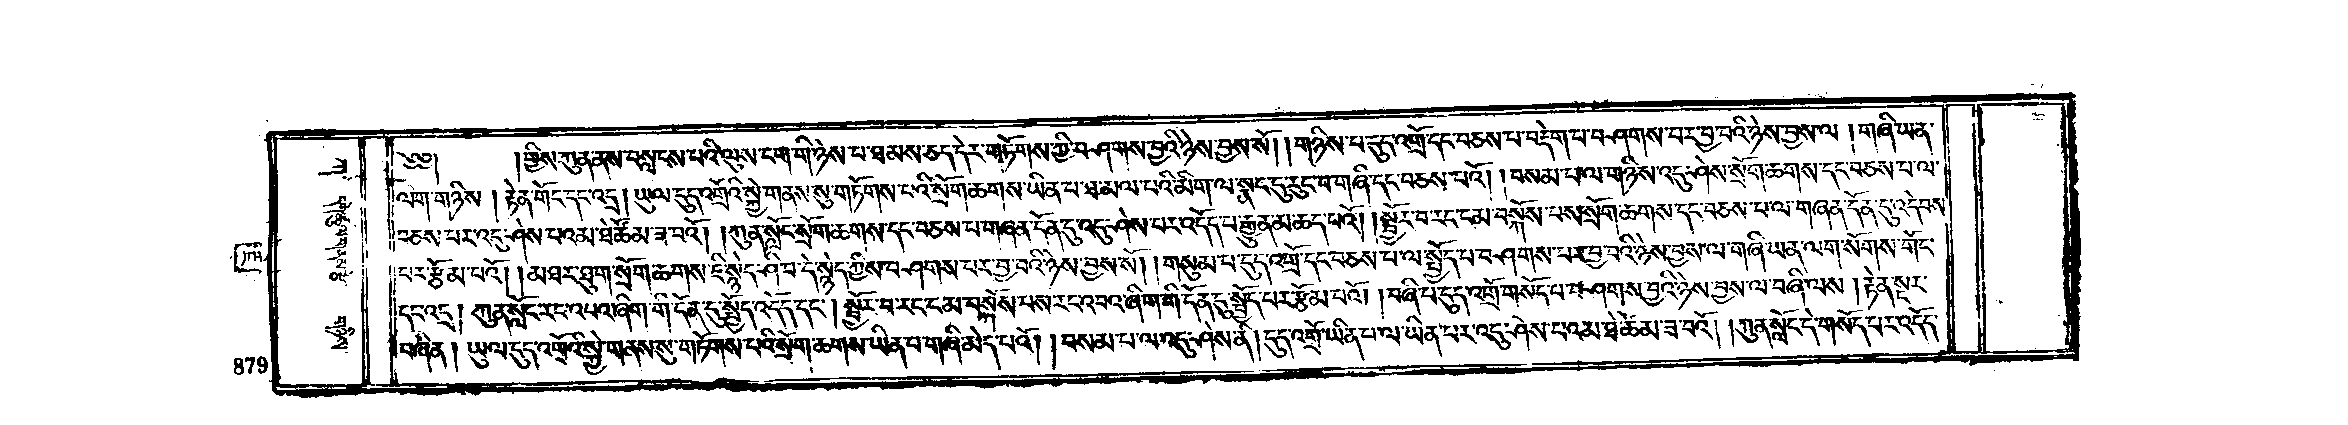༄༅། །གྱིས་ཀུན་ནས་བསླངས་པའི་ལུས་ངག་གི་ཉེས་པ་ཐམས་ཅད་དེར་གཏོགས་ཀྱི་བཤགས་བྱའི་ཉེས་བྱས་སོ། །གཉིས་པ་དུད་འགྲོ་དང་བཅས་པ་བརྡེག་པ་བཤགས་པར་བྱ་བའི་ཉེས་བྱས་ལ། གཞི་ཡན་
ལག་གཉིས་།རྟེན་གོང་དང་འདྲ། ཡུལ་དུད་འགྲོའི་སྐྱེ་གནས་སུ་གཏོགས་པའི་སྲོག་ཆགས་ཡིན་པ་ཐ་མལ་པའི་མིག་ལ་སྣང་དུ་རུང་བ་གཞི་དང་བཅས་པའོ། །བསམ་པ་ལ་གཉིས་འདུ་ཤེས་སྲོག་ཆགས་དང་བཅས་པ་ལ་
བཅས་པར་འདུ་ཤེས་པའམ་ཐེ་ཚོམ་ཟ་བའོ། །ཀུན་སློང་སྲོག་ཆགས་དང་བཅས་པ་གཞན་དོན་དུ་འདུ་ཤེས་པར་འདོད་པ་རྒྱུན་མ་ཆད་པའོ། །སྦྱོར་བ་རང་ངམ་བསྐོས་པས་སྲོག་ཆགས་དང་བཅས་པ་ལ་གཞན་དོན་དུ་འདེབས་
པར་རྩོམ་པའོ། །མཐར་ཐུག་སྲོག་ཆགས་ཇི་སྙེད་ཤི་བ་དེ་སྙེད་ཀྱིས་བཤགས་པར་བྱ་བའི་ཉེས་བྱས་སོ། །གསུམ་པ་དུད་འགྲོ་དང་བཅས་པ་ལ་སྤྱོད་པ་བཤགས་པར་བྱ་བའི་ཉེས་བྱས་ལ་གཞི་ཡན་ལག་སོགས་གོང་
དང་འདྲ། ཀུན་སློང་རང་འབའ་ཞིག་གི་དོན་དུ་སྤྱོད་འདོད་དང་། སྦྱོར་བ་རང་ངམ་བསྐོས་པས་རང་འབའ་ཞིག་གི་དོན་དུ་སྤྱོད་པར་རྩོམ་པའོ། །བཞི་པ་དུད་འགྲོ་གསོད་པ་བཤགས་བྱའི་ཉེས་བྱས་ལ་བཞི་ལས། རྟེན་སྔར་
བཞིན། ཡུལ་དུད་འགྲོའི་སྐྱེ་གནས་སུ་གཏོགས་པའི་སྲོག་ཆགས་ཡིན་པ་གཞི་མེད་པའོ། །བསམ་པ་ལ་འདུ་ཤེས་ནི། དུད་འགྲོ་ཡིན་པ་ལ་ཡིན་པར་འདུ་ཤེས་པའམ་ཐེ་ཚོམ་ཟ་བའོ། །ཀུན་སློང་དེ་གསོད་པར་འདོད་